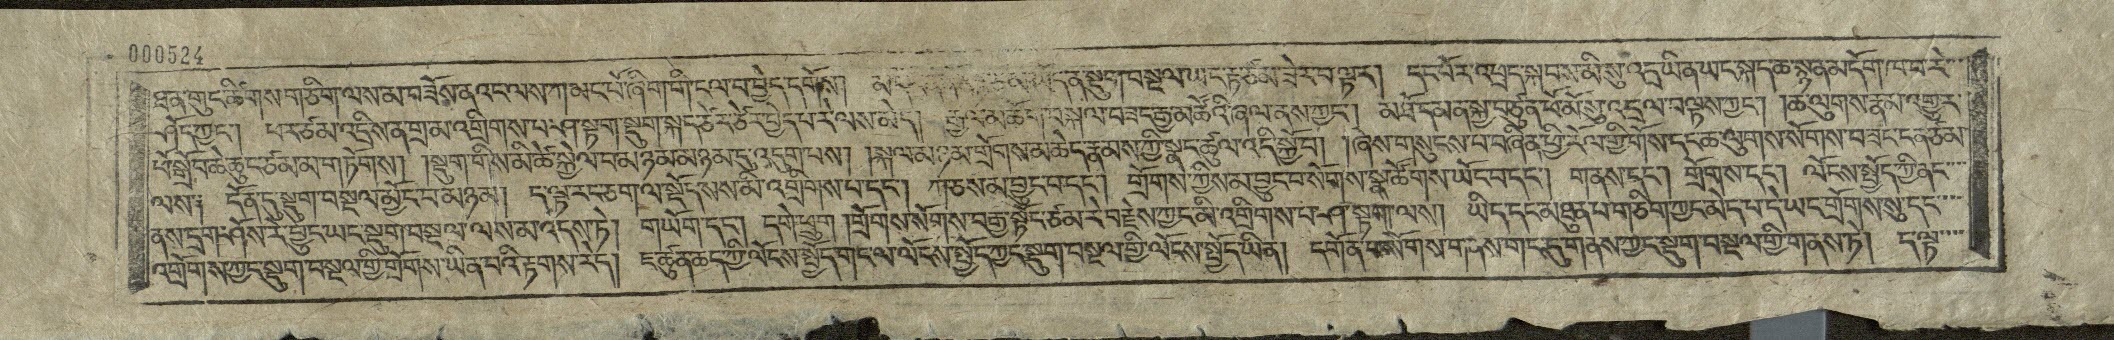ཐ་ན་གུང་ཚིགས་གཅིག་ལས་མ་བཟོས་ནའང་ལས་ཀ་མང་པོ་ཞིག་གི་ངལ་བ་བྱེད་དགོས། མདོར་ན་ནོར་རྟ་ཙམ་ཡོད་ན་སྡུག་བསྔལ་ཡང་རྟ་ཙམ་ཟེར་བ་ལྟར། དང་པོར་འཕྲད་སྐབས་མི་སུ་འདྲ་ཡིན་ཡང་སྐད་ཆ་སྙན་མདོག་ཁ་བ་རེ་
ཤོད་ཀྱང་། ཕར་ཙམ་འདྲིས་ན་གྲ་མ་འགྲིགས་པ་ཤ་སྟག་སྡུག་སྐད་ཙེར་ཙེར་བྱེད་པ་རེ་ལས་མེད། རྒྱལ་མཆོག་བསྐལ་བཟང་རྒྱ་མཚོའི་ཞལ་ནས་ཀྱང་། མཐོ་དམན་སྐྱ་བཙུན་ཕོ་མོ་སུ་འདྲ་ལ་བལྟས་ཀྱང་། །ཆ་ལུགས་རྣམ་འགྱུར་
ཕོ་སྒྲོབ་ཆེ་ཆུང་ཙམ་མ་གཏོགས། །སྡུག་གིས་མི་ཚེ་སྐྱེལ་བ་མཉམ་མཉམ་དུ་འདུག་པས། །སྐལ་མཉམ་གྲོགས་མཆེད་རྣམས་ཀྱི་སྣང་ཚུལ་འདི་སྐྱོ་བ། །ཞེས་གསུངས་པ་བཞིན་ཕྱི་རོལ་གྱི་གོས་དང་ཆ་ལུགས་སོགས་བཟང་ངན་ཙམ་
ལས༑ དོན་དུ་སྡུག་བསྔལ་མྱོང་བ་མཉམ། ད་ལྟ་རང་ཅག་ལ་སྡོད་སས་མི་འགྲིགས་པ་དང་། ཀ་ཅས་མ་བྱུང་བ་དང་། གྲོགས་ཀྱིས་མ་བྱུང་བ་སོགས་སྣ་ཚོགས་ཡོང་བ་དང་། གནས་དང་། གྲོགས་དང་། ལོངས་སྤྱོད་ཀྱི་ནང་
ནས་དྲག་ཤོས་རེ་བྱུང་ཡང་སྡུག་བསྔལ་ལས་མ་འདས་ཏེ། གཡོག་དང་། དགེ་ཕྲུག །གྲོགས་སོགས་བརྒྱ་སྟོང་ཙམ་རེ་བརྗེས་ཀྱང་མི་འགྲིགས་པ་ཤ་སྟག་ལས། ཡིད་དང་མཐུན་པ་གཅིག་ཀྱང་མེད་པ་དེ་ཡང་གྲོགས་སུ་དང་
འགྲོགས་ཀྱང་སྡུག་བསྔལ་གྱི་གྲོགས་ཡིན་པའི་རྟགས་རེད། ཇ་ཚུན་ཆད་ཀྱི་ལོངས་སྤྱོད་གང་ལ་ལོངས་སྤྱོད་ཀྱང་སྡུག་བསྔལ་གྱི་ལོངས་སྤྱོད་ཡིན། དགོན་པ་སོགས་གནས་གང་དུ་གནས་ཀྱང་སྡུག་བསྔལ་གྱི་གནས་ཏེ། ད་ལྟ་